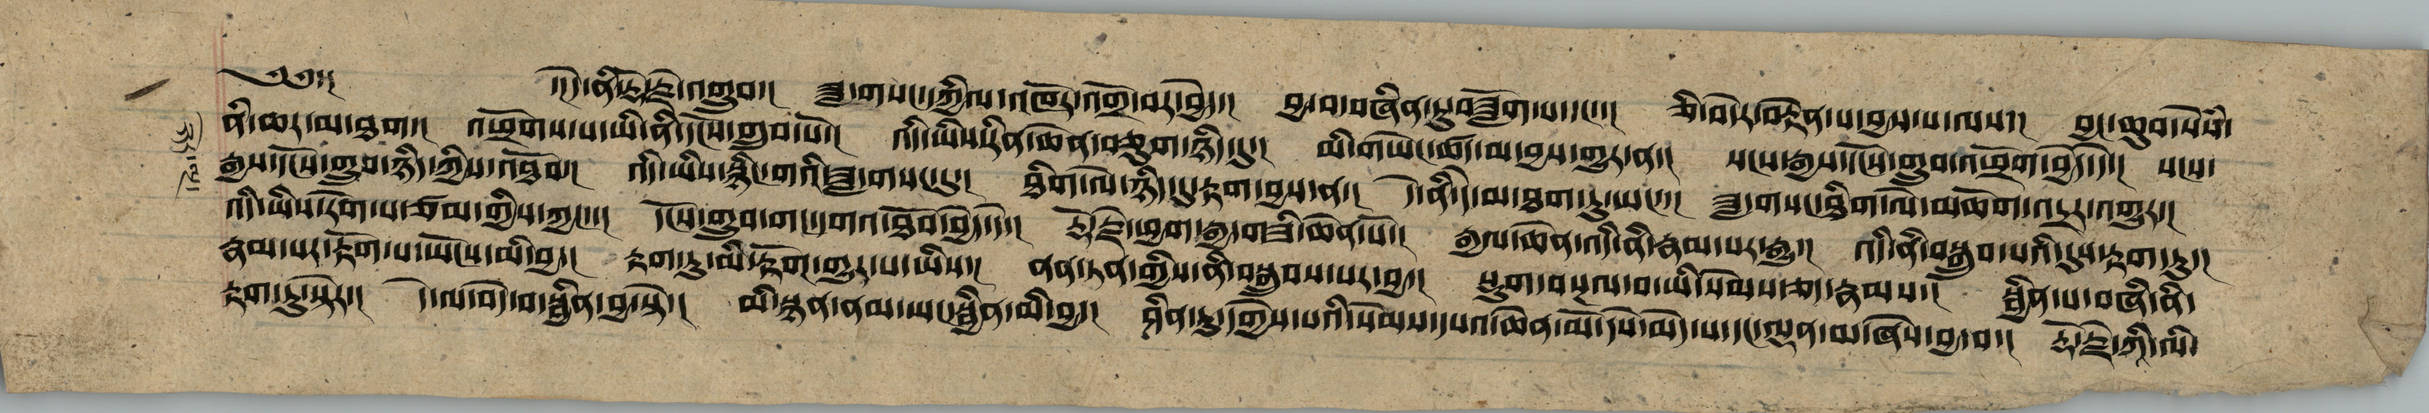༄༅་། ་།དེ་ནི་རྡོ་རྗེ་འགྲུབ་། ཟླ་གསང་དཀྱིལ་འཁོར་འགྲོ་བར་བྱེད་། བྱ་བ་བཞིན་ཏུ་བཟློག་པ་དང་་། ཅི་བདེར་བརྟེན་པ་བྱས་པ་ལས་། བྱང་ཆུབ་སེཾས་
ནི་ཆར་མ་ཐག་། འཕྲོགས་པ་ཡི་ནི་དངོས་གྲུབ་པོ་། འདི་ཡིས་རིན་ཆེན་བཅུག་ཉིད་དུ་། མི་གཡེང་ཚད་མ་བྱས་གྱུར་ན་། སངས་རྒྱས་དངོས་གྲུབ་འཕྲོག་བྱེད་དེ་། སངས་
རྒྱས་དངོས་གྲུབ་ཉིད་ཀྱིས་འཐོབ་། འདི་ཡིས་སྙིང་གའི་ཟླ་གསང་དུ་། ཐིག་ལེ་ཉིད་དུ་རྟག་བྱས་ན་། དེ་ནི་དེ་མ་ཐག་ཏུ་ཡང་་། ཟླ་གསང་ཐིག་ལེ་མཆོག་འདྲར་འགྱུར་།
འདི་ཡིས་རེག་པ་ཙམ་གྱིས་ཀྱང་་། དངོས་གྲུབ་གང་དགའ་ཐོབ་བྱེད་དེ་། རྡོ་རྗེ་ཕྱག་རྒྱ་གཟི་ཆེན་པོ་། རྒྱལ་ཆེན་འདི་ནི་རྣམ་པར་རྒྱུ་། འདི་ནི་བསྒྲུབ་པའི་དུས་རྟག་ཏུ་།
རྣམ་པར་རྟོག་པ་ཡོངས་མི་བྱ་། རྟག་ཏུ་མི་རྟོག་གྱུར་པ་ཡིས་། ནན་ཏན་གྱིས་ནི་བསྒྲུབས་པར་བྱ་། སྡུག་བསྔལ་བ་ཡི་སེམས་ཅད་རྣམས་། སྦྱིན་པ་བཞི་ནི་
རྟག་ཏུ་སྟེར་། དེ་ལ་བདེ་བ་སྦྱིན་བྱ་སྟེ་། མི་སྙན་ནམ་ཡང་སྦྱིན་མི་བྱ་། ཤིན་ཏུ་དགྱེས་པའི་སེམས་དཔའ་ཆེན་མོ་དཔེ་མེད་པ་དང་ལྡན་མ་ཞེས་བྱ་བ་། རྡོ་རྗེ་ཀཱི་ལི་